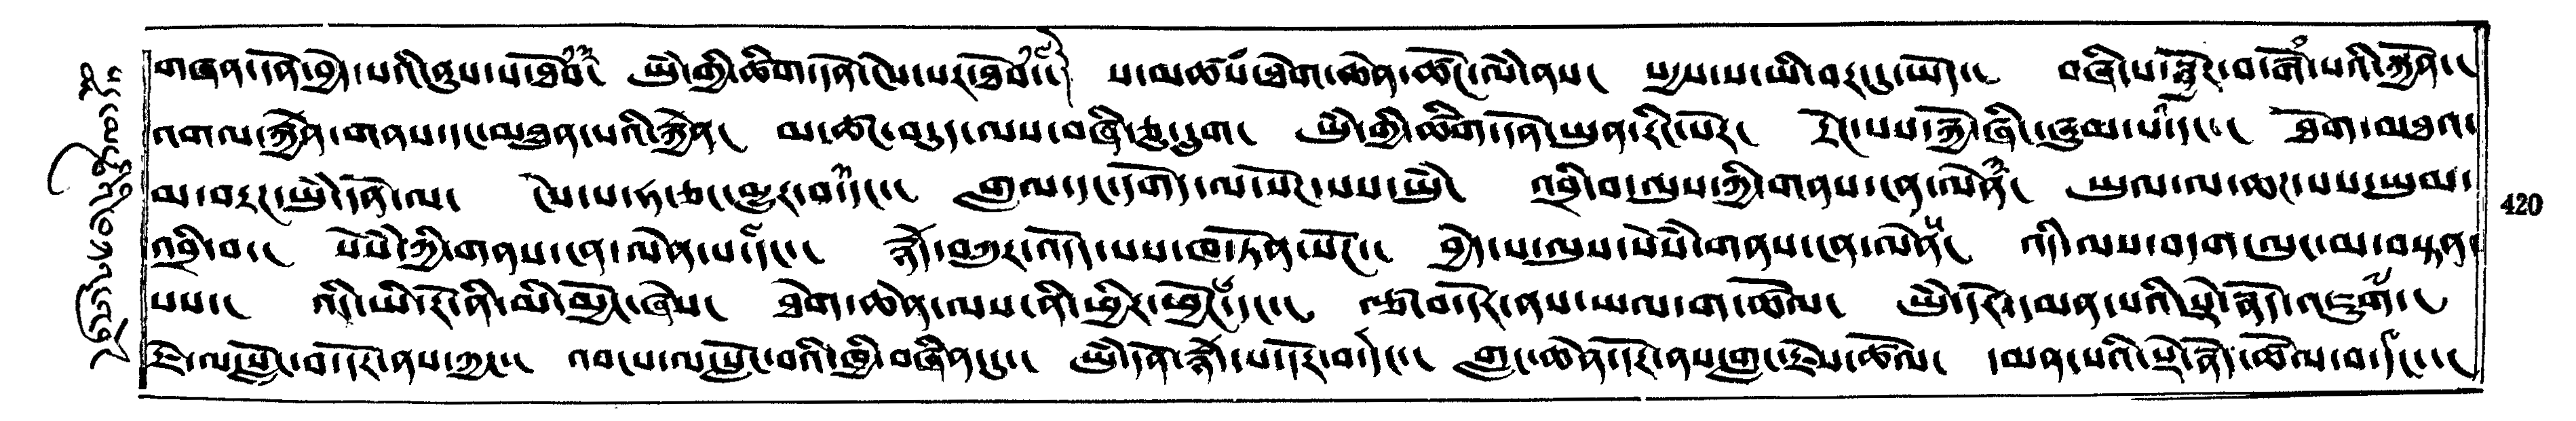།གཞན་དོན་བྱེད་པའི་ནུས་པ་ཐོབ། །ཡུམ་གྱི་ཚིག་དོན་ངེས་པར་ཐོབ། །ས་མཚམས་ཐེག་ཆེན་ཚོགས་ལམ་ནས། །སངས་རྒྱས་ས་ཡི་བར་དུ་ཡོད། །བཞི་པ་སྦྱོར་བ་སྒོམ་པའི་སྐྱོན། །
འགལ་རྐྱེན་གནས་དང་མཐུན་པའི་རྐྱེན། །མ་ཚང་བདུད་ལས་བཞི་བཅུ་དྲུག །ཡུམ་གྱི་ཚིག་དོན་ཡུན་རིང་པོར། །རྟོགས་པས་སྐྱོ་ཞིང་ཞུམ་པ་དང་། །ཐོག་མཐའ་
མ་བརྟགས་ཡུམ་དོན་ལ། །ངེས་པ་ཧ་ཅང་མྱུར་བ་དང་། །གླལ་དང་དགོད་ལ་སོགས་པས་ཡུམ། །འབྲི་བ་ལུས་ཀྱི་གནས་ངན་ལེན། །ཡུལ་ལ་ཆགས་པས་ཡུམ་
འབྲི་བ། །སེམས་ཀྱི་གནས་ངན་ལེན་པ་དང་། །རྙེད་བཀུར་འདོད་པས་ཁ་ཏོན་སོགས། །བྱེད་པ་ལུས་སེམས་གནས་ངན་ལེན། །འདི་ལས་བདག་ལུང་མ་བསྟན་
པས། །འདི་ཡི་རོ་ནི་མི་མྱོང་ཞེས། །ཐེག་ཆེན་ལས་ནི་ཕྱིར་ཕྱོགས་དང་། །རྩ་བ་དོར་ནས་ཡལ་ག་ཚོལ། །ཡུམ་དོར་དམན་པའི་སྡེ་སྣོད་འཇུག།
རྗེ་ལ་སློང་བ་དོར་ནས་ཀྱང་། །འབངས་ལ་སློང་བའི་ཁྱི་བཞིན་དུ། །ཡུམ་དོན་རྙེད་པ་དོར་བ་དང་། །གླང་ཆེན་དོར་ནས་གླང་རྗེས་ཚོལ། །དམན་པའི་སྡེ་སྣོད་ཚོལ་བ་དང་། །